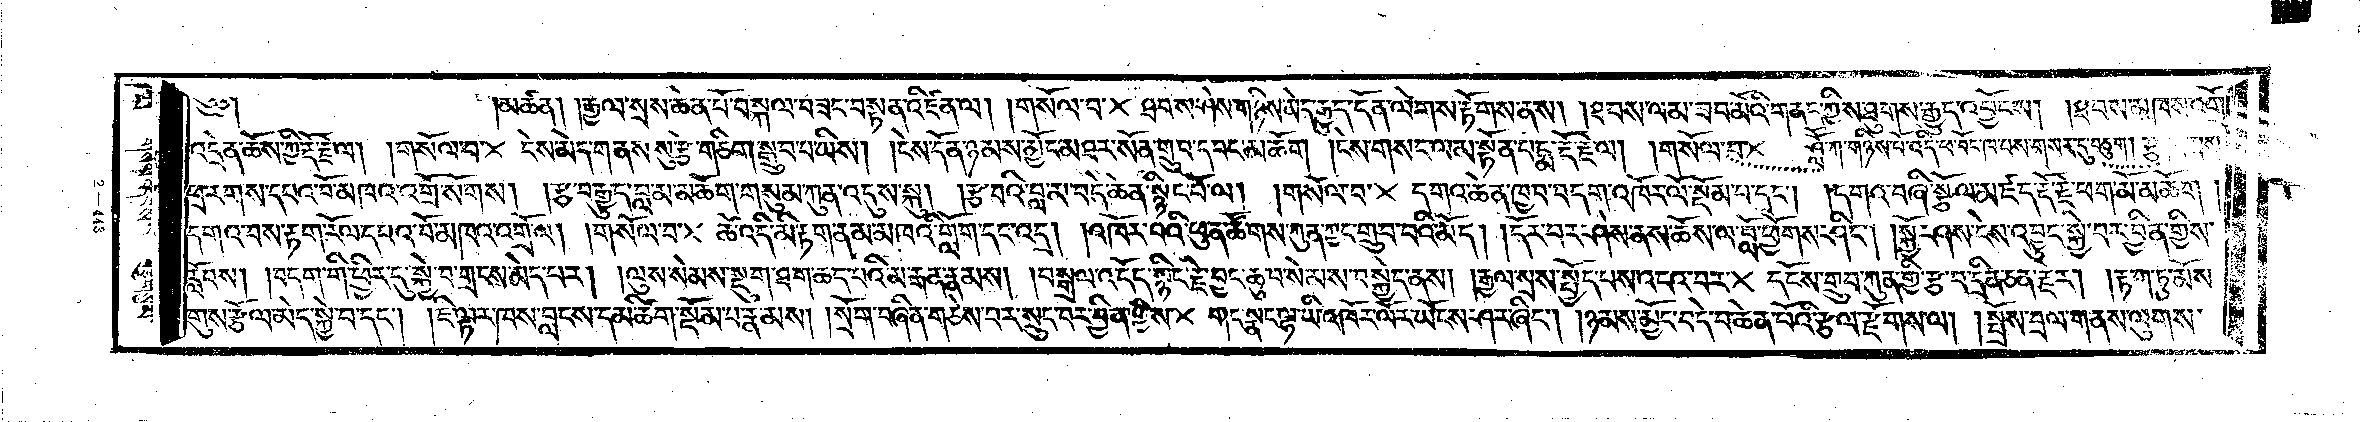༄༅། །མཚན། །རྒྱལ་སྲས་ཆེན་པོ་བསྐལ་བཟང་བསྟན་འཛིན་ལ། །གསོལ་བ་྾་ཐབས་ཤེས་གཉིས་མེད་རྒྱུད་དོན་ལེགས་རྟོགས་ནས། །ཐབས་ལམ་ཟབ་མོའི་གནད་ཀྱིས་ཐུགས་རྒྱུད་འབྱོངས། །ཐབས་མཁས་འགྲོ་
འདྲེན་ཆོས་ཀྱི་རྡོ་རྗེ་ལ། །གསོལ་བ་྾་ངེས་མེད་གནས་སུ་རྩེ་གཅིག་སྒྲུབ་པ་ཡིས། །ངེས་དོན་ཉམས་མྱོང་མཐར་སོན་གྲུབ་དབང་མཆོག །ངེས་གསང་ལམ་སྟོན་པདམ་རྡོ་རྗེ་ལ། །གསོལ་བ་྾་ཤླཽ་ཀ་གཉིས་པོ་འདི་ཕ་བོང་ཁ་བས་གསར་དུ་བཅུག །  རྩ་ཁམས་
ཕྲ་རགས་དཔའ་བོ་མཁའ་འགྲོ་སོགས། །རྩ་བརྒྱུད་བླ་མ་མཆོག་གསུམ་ཀུན་འདུས་སྐུ། །རྩ་བའི་བླ་མ་བདེ་ཆེན་སྙིང་པོ་ལ། །གསོལ་བ་྾་དགའ་ཆེན་ཁྱབ་བདག་འཁོར་ལོ་སྡོམ་པ་དང་། །དགའ་བཞི་སྩོལ་མཛད་རྡོ་རྗེ་ཕག་མོ་མཆོག །
དགའ་བས་རྟག་རོལ་དཔའ་བོ་མཁའ་འགྲོ་ལ། །གསོལ་བ་྾་ཚེ་འདི་མི་རྟག་ནམ་མཁའི་གློག་དང་འདྲ། །འཁོར་བའི་ཕུན་ཚོགས་ཀུན་ཀྱང་གྲུབ་པའི་མོད། །དོར་བར་ཤེས་ནས་ཆོས་ལ་བློ་ཕྱོགས་ཤིང་། །སྐྱོ་ཤས་ངེས་འབྱུང་སྐྱེ་བར་བྱིན་གྱིས་
རློབས། །བདག་གི་ཕྱིར་དུ་སྐྱེ་བ་གྲངས་མེད་པར། །ལུས་སེམས་སྡུག་ཐག་ཆད་པའི་མ་རྒན་རྣམས། །བསྒྲལ་འདོད་སྙིང་རྗེ་བྱང་ཆུབ་སེམས་བསྐྱེད་ནས། །རྒྱལ་སྲས་སྤྱོད་པས་འདའ་བར་྾་དངོས་གྲུབ་ཀུན་གྱི་རྩ་བ་དྲིན་ཅན་རྗེར། །རྟག་ཏུ་མོས་
གུས་རྩོལ་མེད་སྐྱེ་བ་དང་། །ཇི་ལྟར་ཁས་བླངས་དམ་ཚིག་སྡོམ་པ་རྣམས། །སྲོག་བཞིན་གཅེས་བར་སྲུང་བར་བྱིན་གྱིས་྾་གང་སྣང་ལྷ་ཡི་འཁོར་ལོར་ཡོངས་ཤར་ཞིང་། །ཉམས་མྱོང་བདེ་བ་ཆེན་པོའི་རྩལ་རྫོགས་ལ། །སྤྲོས་བྲལ་གནས་ལུགས་